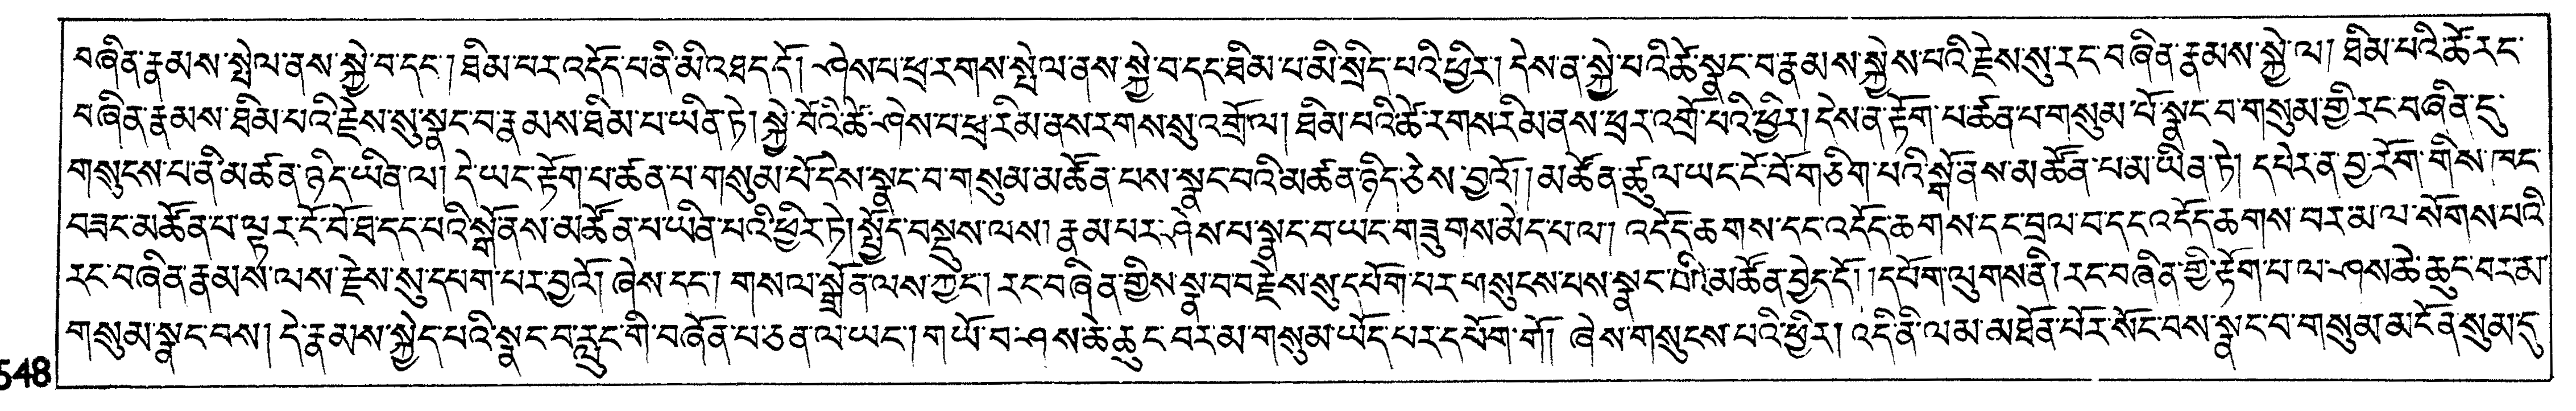བཞིན་རྣམས་སྤེལ་ནས་སྐྱེ་བ་དང་། ཐིམ་པར་འདོད་པ་ནི་མི་འཐད་དོ། ཤེས་པ་ཕྲ་རགས་སྤེལ་ནས་སྐྱེ་བ་དང་ཐིམ་པ་མི་སྲིད་པའི་ཕྱིར། དེས་ན་སྐྱེ་པའི་ཚེ་སྣང་བ་རྣམས་སྐྱེས་པའི་རྗེས་སུ་རང་བཞིན་རྣམས་སྐྱེ་ལ། ཐིམ་པའི་ཚེ་རང་
བཞིན་རྣམས་ཐིམ་པའི་རྗེས་སུ་སྣང་བ་རྣམས་ཐིམ་པ་ཡིན་ཏེ། སྐྱེ་བོའི་ཚེ་ཤེས་པ་ཕྲ་རིམ་ནས་རགས་སུ་འགྲོ་ལ། ཐིམ་པའི་ཚེ་རགས་རིམ་ནས་ཕྲར་འགྲོ་བའི་ཕྱིར། དེས་ན་རྟོག་པ་ཚན་པ་གསུམ་པོ་སྣང་བ་གསུམ་གྱི་རང་བཞིན་དུ་
གསུངས་པ་ནི་མཚན་ཉིད་ཡིན་ལ། དེ་ཡང་རྟོག་པ་ཚན་པ་གསུམ་པོ་དེས་སྣང་བ་གསུམ་མཚོན་པས་སྣང་བའི་མཚན་ཉིད་ཅེས་བྱའོ། །མཚོན་ཚུལ་ཡང་ངོ་བོ་གཅིག་པའི་སྒོ་ནས་མཚོན་པ་མ་ཡིན་ཏེ། དཔེར་ན་བྱ་རོག་གིས་ཁང་
བཟང་མཚོན་པ་ལྟར་ངོ་བོ་ཐ་དད་པའི་སྒོ་ནས་མཚོན་པ་ཡིན་པའི་ཕྱིར་ཏེ། སྤྱོད་བསྡུས་ལས། རྣམ་པར་ཤེས་པ་སྣང་བ་ཡང་གཟུགས་མེད་པ་ལ། འདོད་ཆགས་དང་འདོད་ཆགས་དང་བྲལ་བ་དང་འདོད་ཆགས་བར་མ་ལ་སོགས་པའི་
རང་བཞིན་རྣམས་ལས་རྗེས་སུ་དཔག་པར་བྱའོ། ཞེས་དང་། གསལ་སྒྲོན་ལས་ཀྱང་། རང་བཞིན་གྱིས་སྣ་བ་བརྗེས་སུ་དཔོག་པར་གསུངས་པས་སྣང་བའི་མཚོན་བྱེད་དོ། །དཔོག་ལུགས་ནི། རང་བཞིན་གྱི་རྟོག་པ་ལ་ཤས་ཆེ་ཆུང་བར་མ་
གསུམ་སྣང་བས། དེ་རྣམས་སྐྱེད་པའི་སྣང་བ་རླུང་གི་བཞོན་པ་ཅན་ལ་ཡང་། གཡོ་བ་ཤས་ཆེ་ཆུང་བར་མ་གསུམ་ཡོད་པར་དཔོག་གོ །ཞེས་གསུངས་པའི་ཕྱིར། འདི་ནི་ལམ་མཐོན་པོར་སོང་བས་སྣང་བ་གསུམ་མངོན་སུམ་དུ་